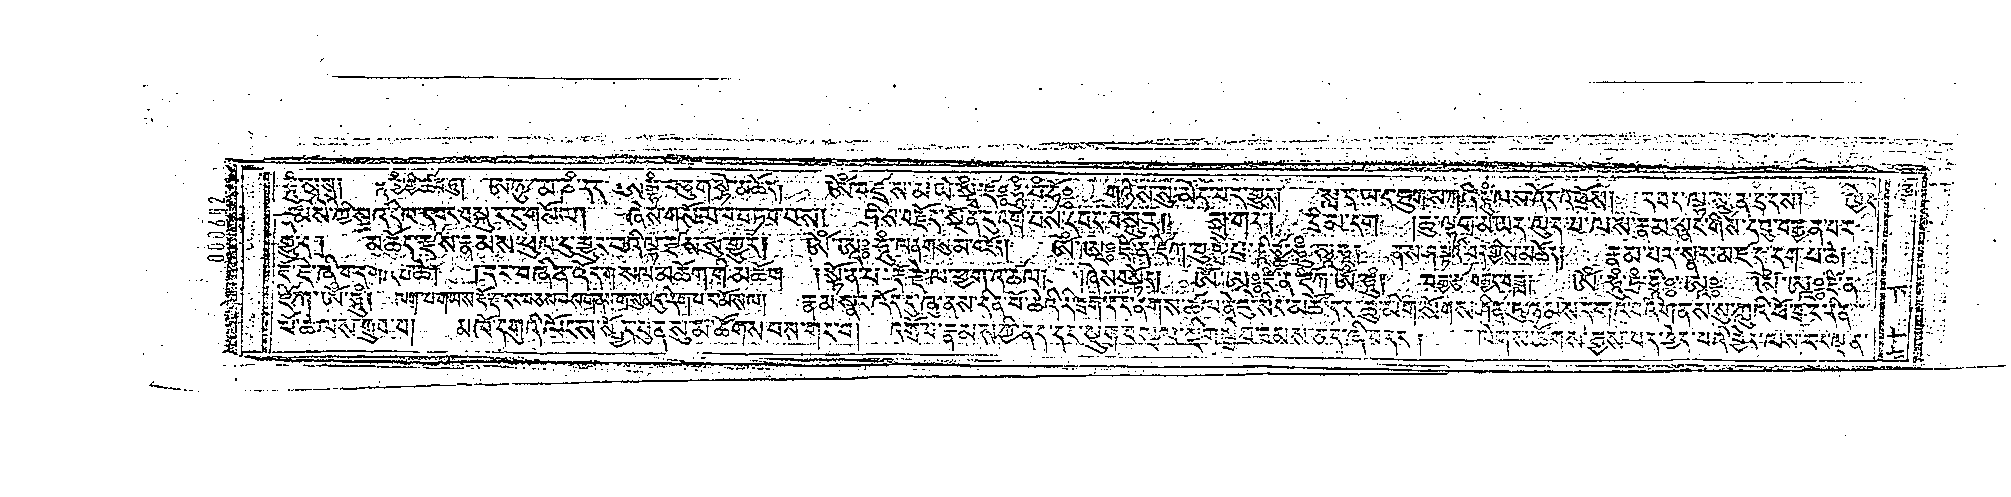༄༅། །པར་གྱུར། ཅེས་གཟུགས་བསྒྱུར་བྱ། ཡེ་དྷརྨཱ་ལན་གསུམ་བརྗོད། ཕུན་སུམ་ཚོགས་པ་མངའ་བ་སོགས་ཤོ་ལོ་ཀ་གསུམ་གྱིས་ཤིས་པ་བརྗོད། བཅོམ་ལྡན་འདས་རྣམ་བར་སྣང་མཛད་
རྟེན་འདི་ལ་བརྟན་པར་བཞུགས་ནས་འགྲོ་བ་སེམས་ཅན་གྱི་དོན་དཔག་ཏུ་མེད་པ་མཛད་ཅིང་། བྱེ་བྲག་ཏུ་ཡུལ་ཕྱོགས་འདིའི་སྣོད་བཅུད་ཀྱི་འབྱོར་པ་རྒྱས་པ་དང་། །ཆོས་དང་མཐུན་པའི་ལེགས་ཚོགས་
ཐམས་ཅད་གོང་ནས་གོང་དུ་འཕེལ་བ་དང་། སྐྱེ་བོ་རྣམས་ལ་བཀྲ་ཤིས་ཀྱི་དགེ་མཚན་རྒྱ་ཆེན་པོ་རྒྱུན་མི་འཆད་དུ་འབྱུང་བར་བྱིན་གྱིས་བརླབ་ཏུ་གསོལ། ཨོཾ་སུ་པྲ་ཏིཥཊཿཨ་བ་ཛ་ཡེ་སྭཱ་ཧཱ།
ཞེས་ལན་གསུམ་གྱིས་བརྟན་བཞུགས་བྱ། སླར་ཡང་ཡེ་དྷརྨཱ་ལན་བདུན་དང་། བཀྲ་ཤིས་ཀྱི་ཚིགས་བཅད་ཅི་རིགས་བརྗོད་དེ་མེ་ཏོག་གི་ཆར་འབབ་བར་བྱའོ། །དེ་ལྟར་བྱས་པའི་ཕན་ཡོན་ནི། གནས་སྐབས་སུ་ཕོད་ས་པའི་སྡུག་
བསྔལ་ཐམས་ཅད་དང་བྲལ་བར་འགྱུར་བ་དང་། ཀླུའི་གནོད་པ་དང་སང་སེར་ལྕེ་འབབ་མི་ཕྱུགས་ཀྱི་ནང་རིམས་སོགས་ཉེར་འཚོ་མཐའ་དག་ཞི་བ་དང་། མི་ནོར་ལོངས་སྤྱོད་འཕེལ་བ་དང་། ཡུལ་ཁམས་ཐམས་ཅད་དུ་ལོ་
ལེགས་ཤིང་བདེ་སྐྱིད་འཕེལ་བ་སོགས་མཐའ་ཡས་པ་གསུངས་སོ། །ཅེས་ཀླུའི་བུམ་གཏེར་འདོད་དགུའི་ཆར་འབེབས་ཞེས་བྱ་བ་འདི་ནི། འཇམ་མདྦྱངས་བཞད་པས་མཛད་པའི་ཀླུའི་བུམ་གཏེར་དང་། ཁྲི་ཆེན་ནོ་མོན་ཧན།